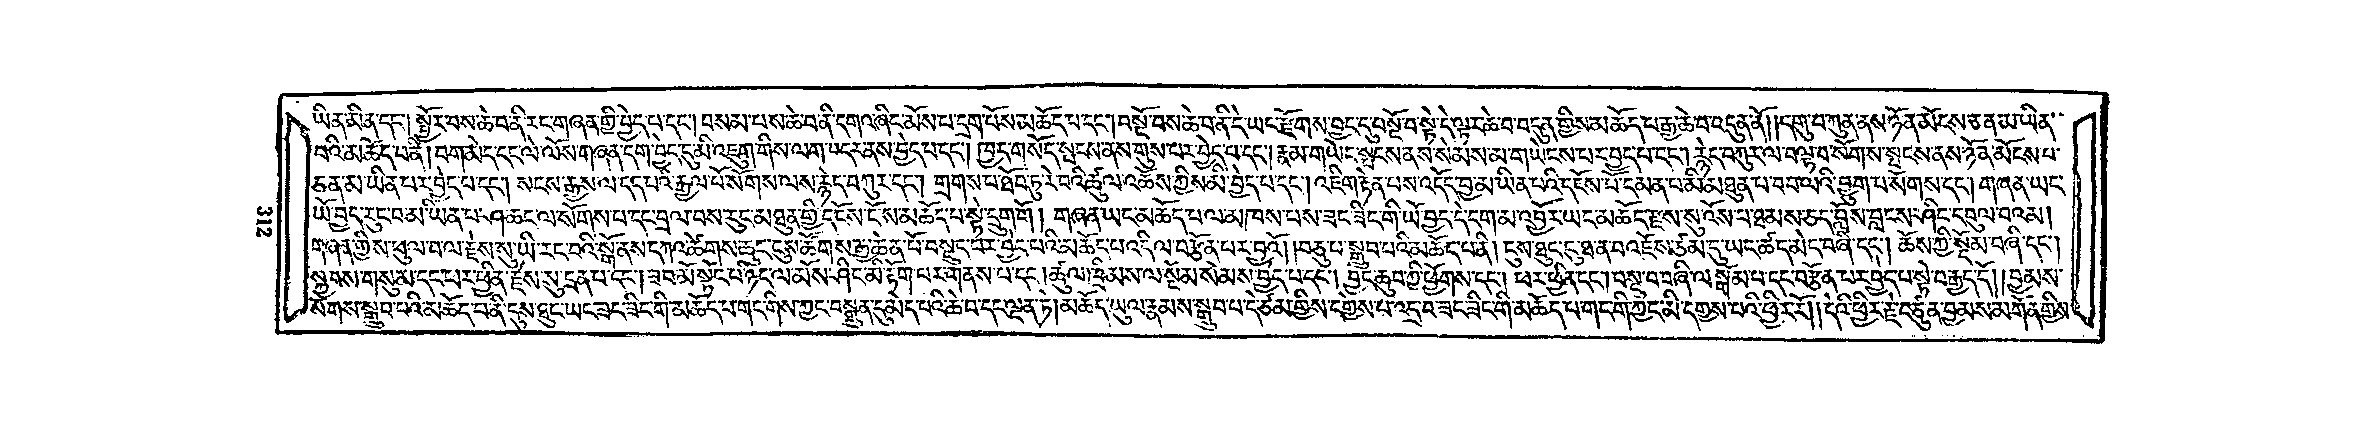ཡིན་མིན་དང་། སྦྱོར་བས་ཆེ་བ་ནི་རང་གཞན་གྱི་བྱེད་པ་དང་། བསམ་པས་ཆེ་བ་ནི་དགའ་ཞིང་མོས་པ་དྲག་པོས་མཆོད་པ་དང་། བསྔོ་བས་ཆེ་བ་ནི་དེ་ཡང་རྫོགས་བྱང་དུ་བསྔོ་བ་སྟེ་དེ་ལྟར་ཆེ་བ་བདུན་གྱིས་མཆོད་པ་རྒྱ་ཆེ་བ་འདུན་ནོ། །དགུ་པ་ཀུན་ནས་ཉོན་མོངས་ཅན་མ་ཡིན་
པའི་མཆོད་པ་ནི། བག་མེད་དང་ལེ་ལོས་གཞན་དག་བྱེད་དུ་མི་འཇུག་གིས་ལག་བདར་ནས་བྱེད་པ་དང་། ཁྱད་གསོད་སྤངས་ནས་གུས་པར་བྱེད་པ་དང་། རྣམ་གཡེང་སྤངས་ནས་སེམས་མ་གཡེངས་པར་བྱད་པ་དང་། རྙེད་བཀུར་ལ་བལྟ་བ་སོགས་སྤངས་ནས་ཉོན་མོངས་པ་
ཅན་མ་ཡིན་པར་བྱེད་པ་དང་། སངས་རྒྱས་ལ་དད་པའི་རྒྱལ་པོ་སོགས་ལས་རྙེད་བཀུར་དང་། གྲགས་པ་ཐོབ་ཏུ་རེ་བའི་ཚུལ་འཆོས་ཀྱིས་མི་བྱེད་པ་དང་། འཇིག་རྟེན་པས་འདོད་བྱ་མ་ཡིན་པའི་དངོས་པོ་དམན་པ་མི་མཐུན་པ་བབ་ལའི་བྱུག་པ་སོགས་དང་། གཞན་ཡང་
ཡོ་བྱེད་རུང་བ་མ་ཡིན་པ་ཤ་ཆང་ལ་སོགས་པ་དང་བྲལ་བས་རུང་མཐུན་གྱི་དངོས་ངོ་ས་མཆོད་པ་སྟེ་དྲུག་གོ །གཞན་ཡང་མཆོད་པ་ལ་མཁས་པས་ཟང་ཟིང་གི་ཡོ་བྱད་དེ་དག་མ་འབྱོར་ཡང་མཆོད་རྫས་སུ་འོས་པ་ཐམས་ཅད་བློས་བླངས་ཤིང་དབུལ་བའམ།
གཞན་གྱིས་ཕུལ་བ་ལ་རྗེས་སུ་ཡི་རང་བའི་སྒོ་ནས་དཀའ་ཚེགས་ཆུང་དུས་ཚོགས་རྒྱ་ཆེན་པོ་བསྡུད་པར་བྱེད་པའི་མཆོད་པ་འདི་ལ་བརྩོན་པར་བྱའོ། །བཅུ་པ་སྒྲུབ་པའི་མཆོད་པ་ནི། དུས་ཐུང་དུ་ཐ་ན་བ་འཇོས་ཙམ་དུ་ཡང་ཚད་མེད་བཞི་དང་། ཆོས་ཀྱི་སྡོམ་བཞི་དང་།
སྐྱབས་གསུམ་དང་ཕར་ཕྱིན་རྗེས་སུ་དྲན་པ་དང་། ཟབ་མོ་སྟོང་པ་ཉིད་ལ་མོས་ཤིང་མི་རྟོག་པར་གནས་པ་དང་། ཚུལ་ཁྲིམས་ལ་སྔོམ་སེམས་བྱེད་པ་དང་། བྱང་ཆུབ་ཀྱི་ཕྱོགས་དང་། ཕར་ཕྱིན་དང་། བསྡུ་བ་བཞི་ལ་སྒོམ་པ་དང་བརྩོན་པར་བྱེད་པ་སྟེ་བརྒྱད་དོ། །བྱམས་
སོགས་སྒྲུབ་པའི་མཆོད་པ་ནི་དུས་ཐུང་ཡང་ཟང་ཟིང་གི་མཆོད་པ་གང་གིས་ཀྱང་བསྒྲུན་དུ་མེད་པའི་ཆེ་བ་དང་ལྡན་ཏེ། མཆོད་ཡུལ་རྣམས་སྒྲུབ་པ་དེ་ཙམ་གྱིས་དགྱེས་པ་འདྲ་བ་ཟང་ཟིང་གི་མཆོད་པ་གང་གི་ཀྱང་མི་དགྱས་པའི་ཕྱིར་རོ། །དེའི་ཕྱིར་རྗེ་བཙུན་བྱམས་མགོན་གྱིས་